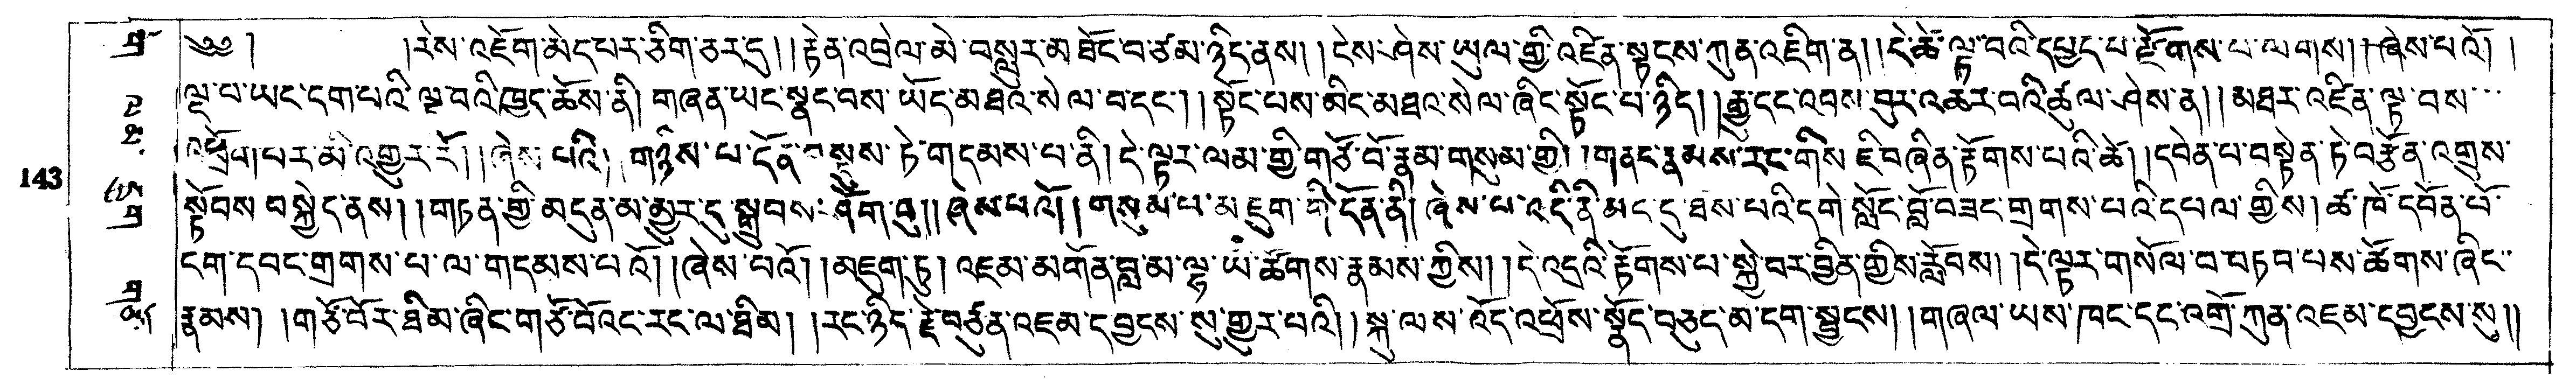༄༅། །རེས་འཇོག་མེད་པར་ཅིག་ཅར་དུ། །རྟེན་འབྲེལ་མེ་བསླུར་མཐོང་བ་ཙམ་ཉིད་ནས། །ངེས་ཤེས་ཡུལ་གྱི་འཛིན་སྟངས་ཀུན་འཇིག་ན། །དེ་ཚེ་ལྟ་བའི་དཔྱད་པ་རྫོགས་པ་ལགས། །ཞེས་པའོ། །
ལྔ་པ་ཡང་དག་པའི་ལྔ་བའི་ཁྱད་ཆོས་ནི། གཞན་ཡང་སྣང་བས་ཡོད་མཐའ་སེལ་བ་དང་། །སྟོང་པས་མིང་མཐའ་སེལ་ཞིང་སྟོང་པ་ཉིད། །རྒྱུ་དང་འབྲས་བུར་འཆར་བའི་ཚུལ་ཤེས་ན། །མཐར་འཛིན་ལྟ་བས་
འཕྲོག་པར་མི་འགྱུར་རོ། །ཞེས་པའི། །གཉིས་པ་དོན་བསྡུས་ཏེ་གདམས་པ་ནི། དེ་ལྟར་ལམ་གྱི་གཙོ་བོ་རྣམ་གསུམ་གྱི། །གནང་རྣམས་རང་གིས་ཇི་བཞིན་རྟོགས་པའི་ཚེ། །དབེན་པ་བསྟེན་ཏེ་བརྩོན་འགྲུས་
སྟོབས་བསྐྱེད་ནས། །གཏན་གྱི་མདུན་མ་མྱུར་དུ་སྒྲུབས་ཤོག་བུ། །ཞེས་པའོ། །གསུམ་པ་མཇུག་གི་དོན་ནི། ཞེས་པ་འདི་ནི་མང་དུ་ཐོས་པའི་དགེ་སློང་བློ་བཟང་གྲགས་པའི་དཔལ་གྱིས། ཚ་ཁོ་དབོན་པོ་
ངག་དབང་གྲགས་པ་ལ་གདམས་པའོ། །ཞེས་པའོ། །མཇུག་ཏུ། འཇམ་མགོན་བླ་མ་ལྷ་ཡི་ཚོགས་རྣམས་ཀྱིས། །དེ་འདྲའི་རྟོགས་པ་སྐྱེ་བར་བྱིན་གྱིས་རློབས། །དེ་ལྟར་གསོལ་བ་བཏབ་པས་ཚོགས་ཞིང་
རྣམས། །གཙོ་བོར་ཐིམ་ཞིང་གཙོ་བོའང་རང་ལ་ཐིམ། །རང་ཉིད་རྗེ་བཙུན་འཇམ་དབྱངས་སུ་གྱུར་པའི། །སྐུ་ལས་འོད་འཕྲོས་སྣོད་བཅུད་མ་དག་སྦྱངས། །གཞལ་ཡས་ཁང་དང་འགྲོ་ཀུན་འཇམ་དབྱངས་སུ།།